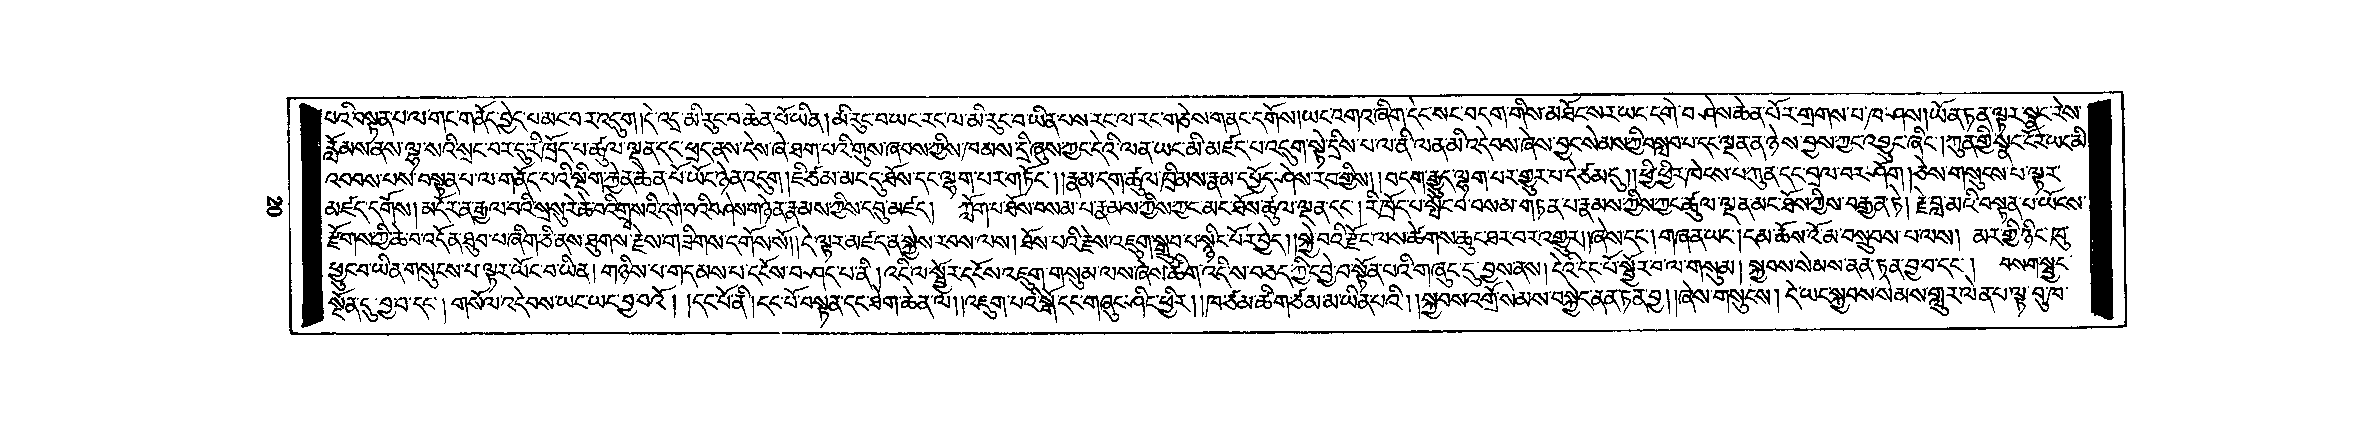པའི་བསྟན་པ་ལ་གང་གནོད་བྱེད་པ་མང་བར་འདུག །དེ་འདྲ་མི་རུང་བ་ཆེན་པོ་ཡིན། མི་རུང་བ་ཡང་རང་ལ་མི་རུང་བ་ཡིན་པས་རང་ལ་རང་གཅེས་གནང་དགོས། ཡང་འགའ་ཞིག་དེང་སང་བདག་གིས་མཐོང་སར་ཡང་དགེ་བཤེས་ཆེན་པོར་གྲགས་པ་ཁ་ཤས། ཡོན་ཏན་ལྟར་སྣང་རེས་
རློམས་ནས་ལྷ་སའི་སྲང་བར་དུ་རི་ཁྲོད་པ་ཚུལ་ལྡན་དང་ཕྲད་ནས་ངེས་ཞེ་ཐག་པའི་གུས་ཞབས་ཀྱིས་ཁམས་དྲི་ཞུས་ཀྱང་དེའི་ལན་ཡང་མི་མཛད་པ་འདུག་སྟེ་དྲིས་པ་ལ་ནི་ལན་མི་འདེབས་ཞེས་བྱང་སེམས་ཀྱི་བསླབ་པ་དང་ལྡན་ན་ཉེས་བྱས་ཀྱང་འབྱུང་ཞིང་། ཀུན་གྱི་སྣང་ངོར་ཡང་མི་
འབབས་པས་བསྟན་པ་ལ་གནོད་པའི་སྡིག་རྐྱེན་ཆེན་པོ་ཡོང་ཉེན་འདུག །ཇི་ཙམ་མང་དུ་ཐོས་དང་ལྷག་པར་གཏོང་། །རྣམ་དག་ཚུལ་ཁྲིམས་རྣམ་དཔྱོད་ཤེས་རབ་གྱིས། །བདག་རྒྱུད་ལྷག་པར་གྱུར་པ་དེ་ཙམ་དུ། །ཕྱི་ཕྱིར་ཁེངས་པ་ཀུན་དང་བྲལ་བར་ཤོག །ཅེས་གསུངས་པ་ལྟར་
མཛད་དགོས། མདོར་ན་རྒྱལ་བའི་སྲས་སུ་རེ་ཆེ་བའི་གྲྭ་སའི་དགེ་བའི་བཤེས་གཉེན་རྣམས་ཀྱིས་དབུ་མཛད། ཀློག་པ་ཐོས་བསམ་པ་རྣམས་ཀྱིས་ཀྱང་མང་ཐོས་ཚུལ་ལྡན་དང་། རི་ཁྲོད་པ་སྤོང་བ་བསམ་གཏན་པ་རྣམས་ཀྱིས་ཀྱང་ཚུལ་ལྡན་མང་ཐོས་ཀྱིས་བརྒྱན་ཏེ། རྗེ་བླ་མའི་བསྟན་པ་ཡོངས་
རྫོགས་ཀྱི་ཆེ་བ་འདོན་ཐུབ་པ་ཞིག་ཅི་ནས་ཐུགས་རྗེས་གཟིགས་དགོས་སོ། །དེ་ལྟར་མཛད་ན་སྐྱེས་རབས་ལས། ཐོས་པའི་རྗེས་འཇུག་སྒྲུབ་པ་སྙིང་པོར་བྱེད། །སྐྱེ་བའི་རྫོང་ལས་ཚེགས་ཆུང་ཐར་བར་འགྱུར། །ཞེས་དང་། གཞན་ཡང་། དམ་ཆོས་འོ་མ་བསྲུབས་པ་ལས། མར་གྱི་ཉིང་ཁུ་
ཕྱུང་བ་ཡིན་གསུངས་པ་ལྟར་ཡོང་བ་ཡིན། གཉིས་པ་གདམས་པ་དངོས་བཤད་པ་ནི། འདི་ལ་སྦྱོར་དངོས་འཇུག་གསུམ་ལས་ཞེས་ཚིག་འདི་ས་བཅད་ཀྱི་དབྱེ་བ་སྟོན་པའི་གཞུང་དུ་བྱས་ནས། དེའི་དང་པོ་སྦྱོར་བ་ལ་གསུམ། སྐྱབས་སེམས་ནན་ཏན་བྱ་བ་དང་། བསག་སྦྱང་
སྔོན་དུ་བྱ་བ་དང་། གསོལ་འདེབས་ཡང་ཡང་བྱ་བའོ། །དང་པོ་ནི། དང་པོ་བསྟན་དང་ཐེག་ཆེན་ལ། །འཇུག་པའི་སྒོ་དང་གཞུང་ཤིང་ཕྱིར། །ཁ་ཙམ་ཚིག་ཙམ་མ་ཡིན་པའི། །སྐྱབས་འགྲོ་སེམས་བསྐྱེད་ནན་ཏན་བྱ། །ཞེས་གསུངས། དེ་ཡང་སྐྱབས་སེམས་གླུར་ལེན་པ་ལྟ་བུ་ཁ་